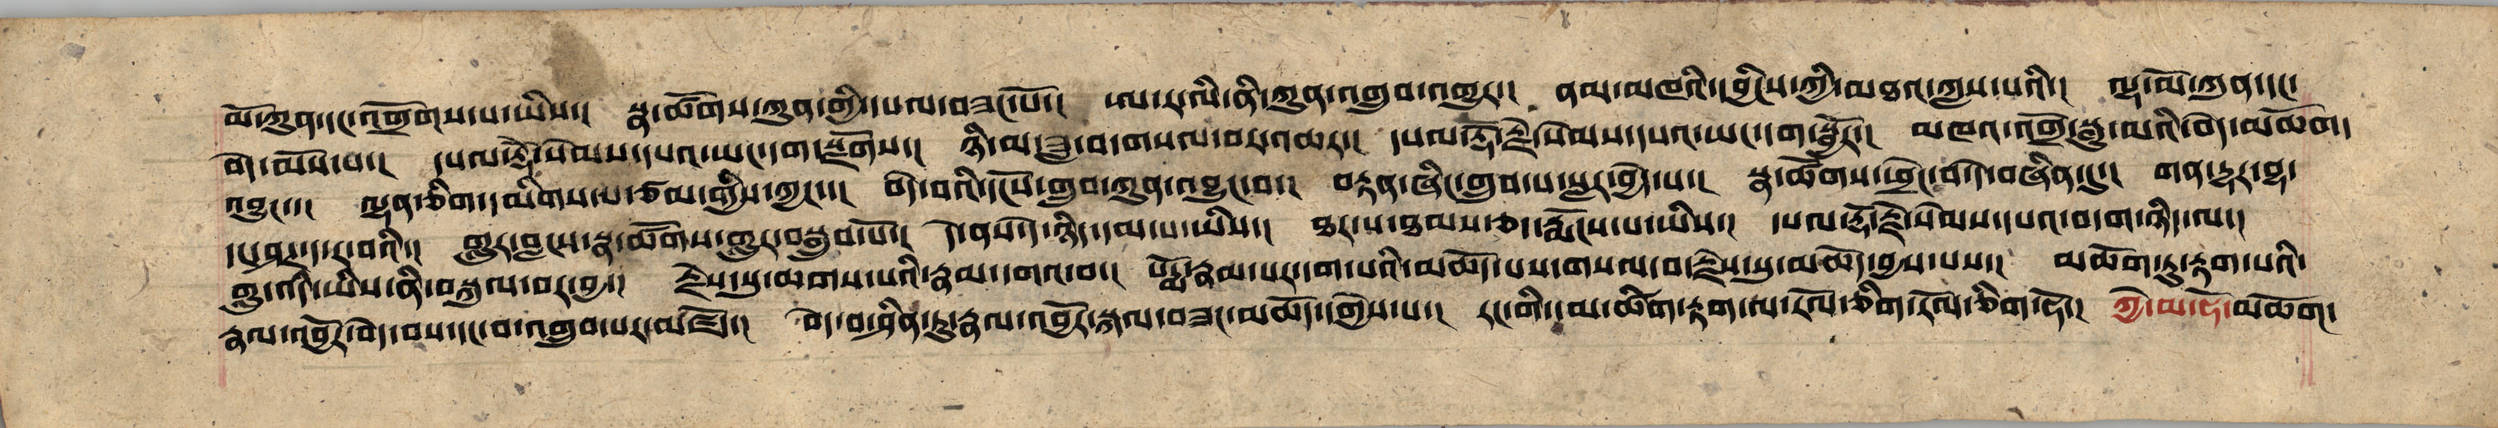མོ་ཀུན་དང་འགྲོགས་པ་ཡིས་། སྣ་ཚོགས་ཀུན་གྱི་དཔལ་བཟང་པོ་། ཨ་ར་ལི་ནི་ཀུན་འགྲུབ་འགྱུར་། ནམ་མཁའི་དབྱིངས་ཀྱི་མཐའ་ཀླས་པའི་། ལྷ་མོ་ཀུན་དང་
བདེ་མོས་པ་། དཔལ་རྡོེ་སེམས་དཔའ་ཡང་དག་སྫོགས་། ཉི་མ་ཟླ་བ་གསལ་བར་འཆར་། དཔལ་རྡོ་རྗེ་སེམས་དཔའ་ཡང་དག་སྦྱོར་། མཁའ་འགྲོ་སྒྱུ་མའི་བདེ་མཆོག་
འབྱུང་་། ལྷན་ཅིག་དམིགས་པ་ཙམ་གྱིས་ཀྱང་་། བདེ་བའི་དངོས་གྲུབ་ཀུན་འབྱུང་བ་། བརྟན་ཞིང་གྲུབ་པ་སླར་བྱེད་པ་། སྣ་ཚོགས་ཕྲེང་བ་དེ་བཞིན་དུ་། གན་དྷར་བྷ་
དང་ཤཊ་ད་ར་བའི་། གླུར་བླངས་སྣ་ཚོགས་གླུར་བསྒྲུབ་པོ་། དེ་ནས་དེ་ཉིད་དམ་པ་ཡིས་། ཐར་པ་ཐམས་ཅད་རྨོངས་པ་ཡིས་། དཔལ་རྡོ་རྗེ་སེམས་དཔའ་བདག་ཉིད་ལ་།
གླུ་འདི་ཡིས་ནི་བསྐུལ་བར་བྱ་། རྗེས་སུ་ཆགས་པའི་རྣམ་དགའ་བ་། པདྨོ་རྣམ་པར་དག་པའི་མཆོད་པས་གསལ་བ་རྗེས་སུ་མཆོད་བྱས་པས་། མཆོག་ཏུ་རྟག་པའི་
རྣལ་འབྱོར་བདེ་བས་དང་བ་འགྲུབ་པར་མཛོད་། བདེ་བ་ཤིན་ཏུ་རྣལ་འབྱོར་སྐལ་བཟང་མཆོད་དགྱེས་པ་། རང་གི་དམ་ཚིག་རྟག་ལ་རོལ་ཅིག་རོལ་ཅིག་ཧོ་། ཀྱེ་མ་ཧོ་མཆོག་